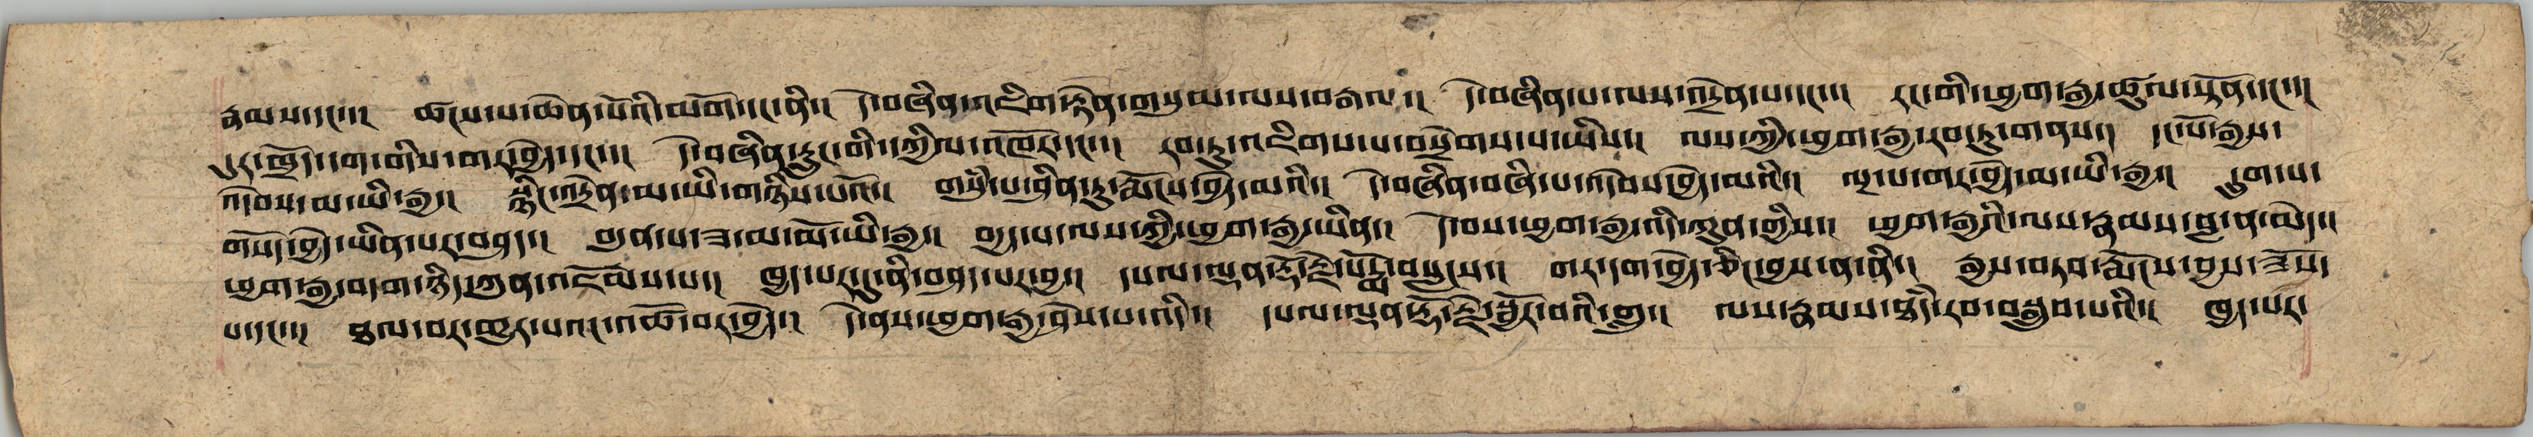རྣམས་དང་་། ཚངས་པ་ཆེན་པོའི་མགོ་དང་ནི་། དེ་བཞིན་འཇིག་རྟེན་གསུམ་ལས་བརྒལ་། དེ་བཞིན་པ་ལས་འདྲེན་པ་དང་་། རང་གི་ཕྱག་རྒྱ་ཚུལ་སྟོན་དང་་།
དུར་ཁྲོད་དག་གིས་གར་བྱེད་དང་་། དེ་བཞིན་རླུང་གི་དཀྱིལ་འཁོར་དང་་། རབ་ཏུ་འཇིགས་པ་བསྲེགས་པ་ཡིས་། ལས་ཀྱི་ཕྱག་རྒྱ་རབ་ཏུ་གནས་། དང་པོ་རྒྱས་
འདེབས་མ་ཡི་རྒྱ་། སྙིང་འདྲེན་མ་ཡི་གཉིས་པའོ་། གསུཾ་པ་ཤིན་ཏུ་རྨོངས་བྱེད་མའི་། དེ་བཞིན་བཞི་པ་འདེབས་བྱེད་མའི་། ལྔ་པ་གར་བྱེད་མ་ཡི་རྒྱ་། དྲུག་པ་
གསོད་བྱེད་ཡིན་པར་བཤད་། བདུན་པ་ཟ་མ་མོ་ཡི་རྒྱ་། བདྱད་པ་ལས་ཀྱི་ཕྱག་རྒྱ་ཡིན་། དེ་བས་ཕྱག་རྒྱ་འདི་ཀུན་གྱིས་། ཕྱག་རྒྱའི་ལས་རྣམས་བླ་ན་མེད་།
ཕྱག་རྒྱ་བདག་ཉིད་ཀུན་འཇོམས་པ་། ཁྱད་པར་དུ་ནི་བཤད་པར་བྱ་། དཔལ་ལྡན་རྡོ་རྗེ་པདྨོ་བསླངས་། གར་དག་བྱེད་ཅིང་བྱས་ན་ནི་། རྒྱས་བཏབ་རྨོངས་བྱས་ཟོས་
པ་དང་་། ཐལ་བར་གྱུར་པའང་འཚོ་བར་བྱེད་། དེ་ནས་ཕྱག་རྒྱ་ཤེས་པ་འདི་། དཔལ་ལྡན་རྡོ་རྗེ་སྦྱོར་བའི་གླུ་། ལས་རྣམས་ཐཾད་རབ་བསྒྲུབ་པའི་། ཁྱད་པར་